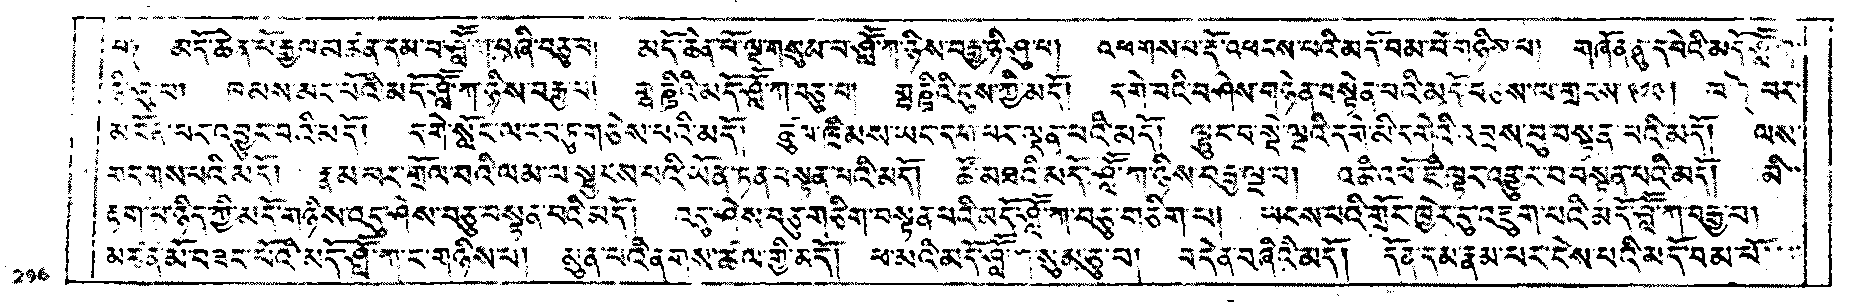པ། མདོ་ཆེན་པོ་རྒྱལ་མཚན་དམ་པ་ཤླཽ་ཀ་བཞི་བཅུ་པ། མདོ་ཆེན་པོ་ལྔ་གསུམ་པ་ཤླཽ་ཀ་ཉིས་བརྒྱ་ཉི་ཤུ་པ། འཕགས་པ་རྡོ་འཕངས་པའི་མདོ་བམ་པོ་གཉིས་པ། གཞོན་ནུ་དཔེའི་མདོ་ཤླཽ་ཀ་
ཉི་ཤུ་པ། ཁམས་མང་པོའི་མདོ་ཤླཽ་ཀ་ཉིས་བརྒྱ་པ། གྷཎྜིའི་མདོ་ཤླཽ་ཀ་བཅུ་པ། གྷཎྜིའི་དུས་ཀྱི་མདོ། དགེ་བའི་བཤེས་གཉེན་བསྟེན་པའི་མདོ་བཅས་ལ་གྲངས ༤༡༤། ལ྄་པར་
མངོན་པར་འབྱུང་བའི་མདོ། དགེ་སློང་ལ་རབ་ཏུ་གཅེས་པའི་མདོ། ཚུལ་ཁྲིམས་ཡང་དག་པར་ལྡན་པའི་མདོ། ལྟུང་བ་སྡེ་ལྔའི་དགེ་མི་དགེའི་འབྲས་བུ་བསྟན་པའི་མདོ། ལས་
གདགས་པའི་མདོ། རྣམ་པར་གྲོལ་བའི་ལམ་ལ་སྦྱངས་པའི་ཡོན་ཏན་བསྟན་པའི་མདོ། ཚོ་མཐའི་མདོ་ཤླཽ་ཀ་ཉིས་བརྒྱ་ལྔ་པ། འཆི་འཕོ་ཇི་ལྟར་འགྱུར་བ་བསྟན་པའི་མདོ། མི་
རྟག་པ་ཉིད་ཀྱི་མདོ་གཉིས་འདུ་ཤེས་བཅུ་བསྟན་པའི་མདོ། འདུ་ཤེས་བཅུ་གཅིག་བསྟན་པའི་མདོ་ཤླཽ་ཀ་བཅུ་གཅིག་པ། ཡངས་པའི་གྲོང་ཁྱེར་དུ་འཇུག་པའི་མདོ་ཤླཽ་ཀ་བརྒྱ་པ།
མཚན་མོ་བཟང་པོའི་མདོ་ཤླཽ་ཀ་ང་གཉིས་པ། མུན་པའི་ནགས་ཚལ་གྱི་མདོ། ཕ་མའི་མདོ་ཤླཽ་ཀ་སུམ་ཅུ་པ། བདེན་བཞིའི་མདོ། དོན་དམ་རྣམ་པར་ངེས་པའི་མདོ་བམ་པོ་